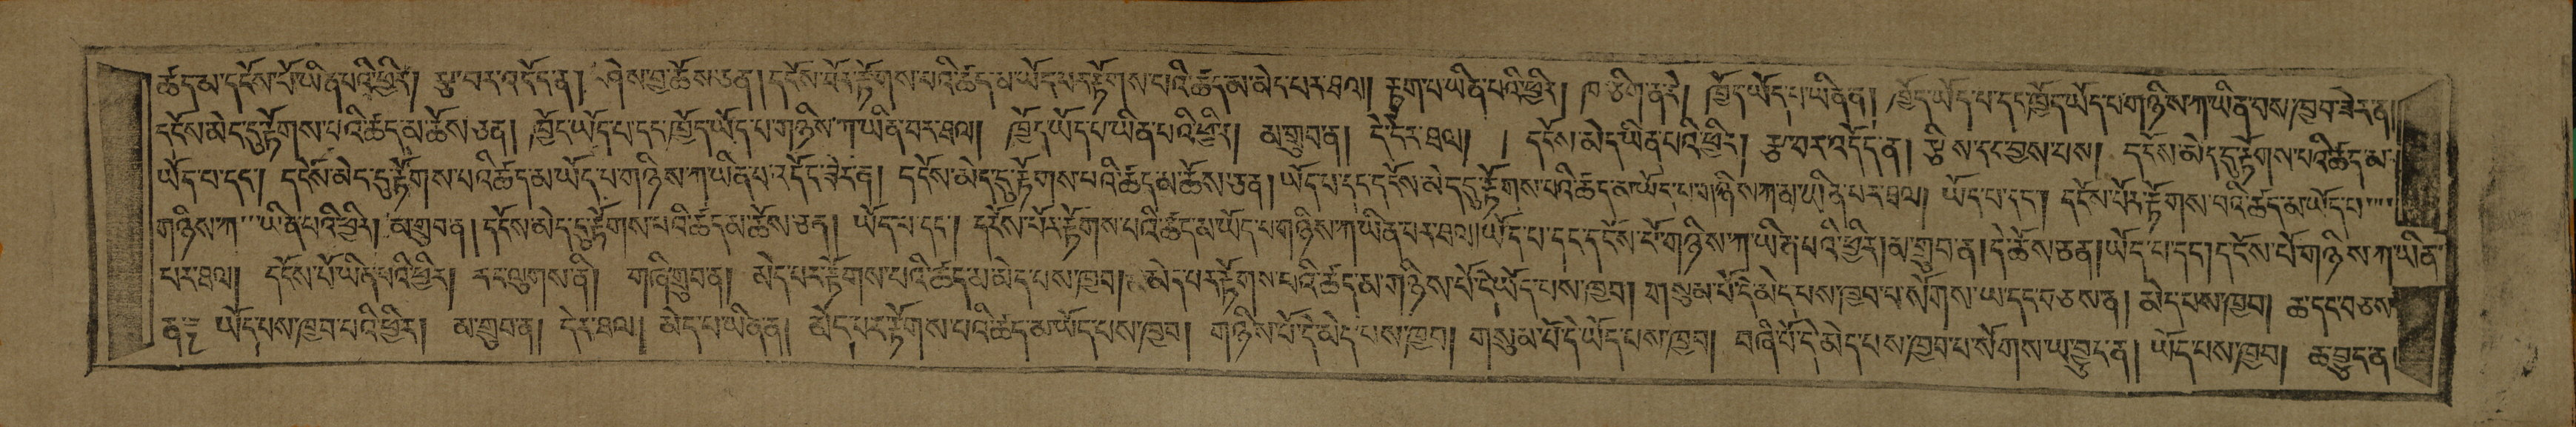ཚད་མ་དངོས་པོ་ཡིན་པའི་ཕྱིར། རྩ་བར་འདོད་ན། ཤེས་བྱ་ཆོས་ཅན། དངོས་པོར་རྟོགས་པའི་ཚད་མ་ཡོད་པར་རྟོགས་པའི་ཚད་མ་མེད་པར་ཐལ། རྟག་པ་ཡིན་པའི་ཕྱིར། ཁ་ཅིག་ན་རེ། ཁྱོད་ཡོད་པ་ཡིན་ན། ཁྱོད་ཡོད་པ་དང་ཁྱོད་ཡོད་པ་གཉིས་ཀ་ཡིན་པས་ཁྱབ་ཟེར་ན།
དངོས་མེད་དུ་རྟོགས་པའི་ཚད་མ་ཆོས་ཅན། ཁྱོད་ཡོད་པ་དང་ཁྱོད་ཡོད་པ་གཉིས་ཀ་ཡིན་པར་ཐལ། ཁྱོད་ཡོད་པ་ཡིན་པའི་ཕྱིར། མ་གྲུབ་ན། དེ་དེར་ཐལ། །དངོས་མེད་ཡིན་པའི་ཕྱིར། རྩ་བར་འདོད་ན། རྩིས་དང་བྱས་པས། དངོས་མེད་དུ་རྟོགས་པའི་ཚད་མ་
ཡོད་པ་དང་། དངོས་མེད་དུ་རྟོགས་པའི་ཚད་མ་ཡོད་པ་གཉིས་ཀ་ཡིན་པ་འདོད་ཟེར་ན། དངོས་མེད་དུ་རྟོགས་པའི་ཚད་མ་ཆོས་ཅན། ཡོད་པ་དང་དངོས་མེད་དུ་རྟོགས་པའི་ཚད་མ་ཡོད་པ་གཉིས་ཀ་མ་ཡིན་པར་ཐལ། ཡོད་པ་དང་། དངོས་པོར་རྟོགས་པའི་ཚད་མ་ཡོད་པ་
གཉིས་ཀ་ཡིན་པའི་ཕྱིར། མ་གྲུབ་ན། དངོས་མེད་དུ་རྟོགས་པའི་ཚད་མ་ཆོས་ཅན། ཡོད་པ་དང་། དངོས་པོར་རྟོགས་པའི་ཚད་མ་ཡོད་པ་གཉིས་ཀ་ཡིན་པར་ཐལ། ཡོད་པ་དང་དངོས་པོ་གཉིས་ཀ་ཡིན་པའི་ཕྱིར། མ་གྲུབ་ན། དེ་ཆོས་ཅན། ཡོད་པ་དང་། དངོས་པོ་གཉིས་ཀ་ཡིན་
པར་ཐལ། དངོས་པོ་ཡིན་པའི་ཕྱིར། རང་ལུགས་ནི། གཞི་གྲུབ་ན། མེད་པར་རྟོགས་པའི་ཚད་མ་མེད་པས་ཁྱབ། མེད་པར་རྟོགས་པའི་ཚད་མ་གཉིས་པོ་དེ་ཡོད་པས་ཁྱབ། གསུམ་པོ་དེ་མེད་པས་ཁྱབ་པ་སོགས་ཡ་དང་བཅས་ན། མེད་པས་ཁྱབ། ཆ་དང་བཅས་
ན༑ ཡོད་པས་ཁྱབ་པའི་ཕྱིར། མ་གྲུབ་ན། དེར་ཐལ། མེད་པ་ཡིན་ན། མེད་པར་རྟོགས་པའི་ཚད་མ་ཡོད་པས་ཁྱབ། གཉིས་པོ་དེ་མེད་པས་ཁྱབ། གསུམ་པོ་དེ་ཡོད་པས་ཁྱབ། བཞི་པོ་དེ་མེད་པས་ཁྱབ་པ་སོགས་ཡ་བྱུང་ན། ཡོད་པས་ཁྱབ། ཆ་བྱུང་ན་